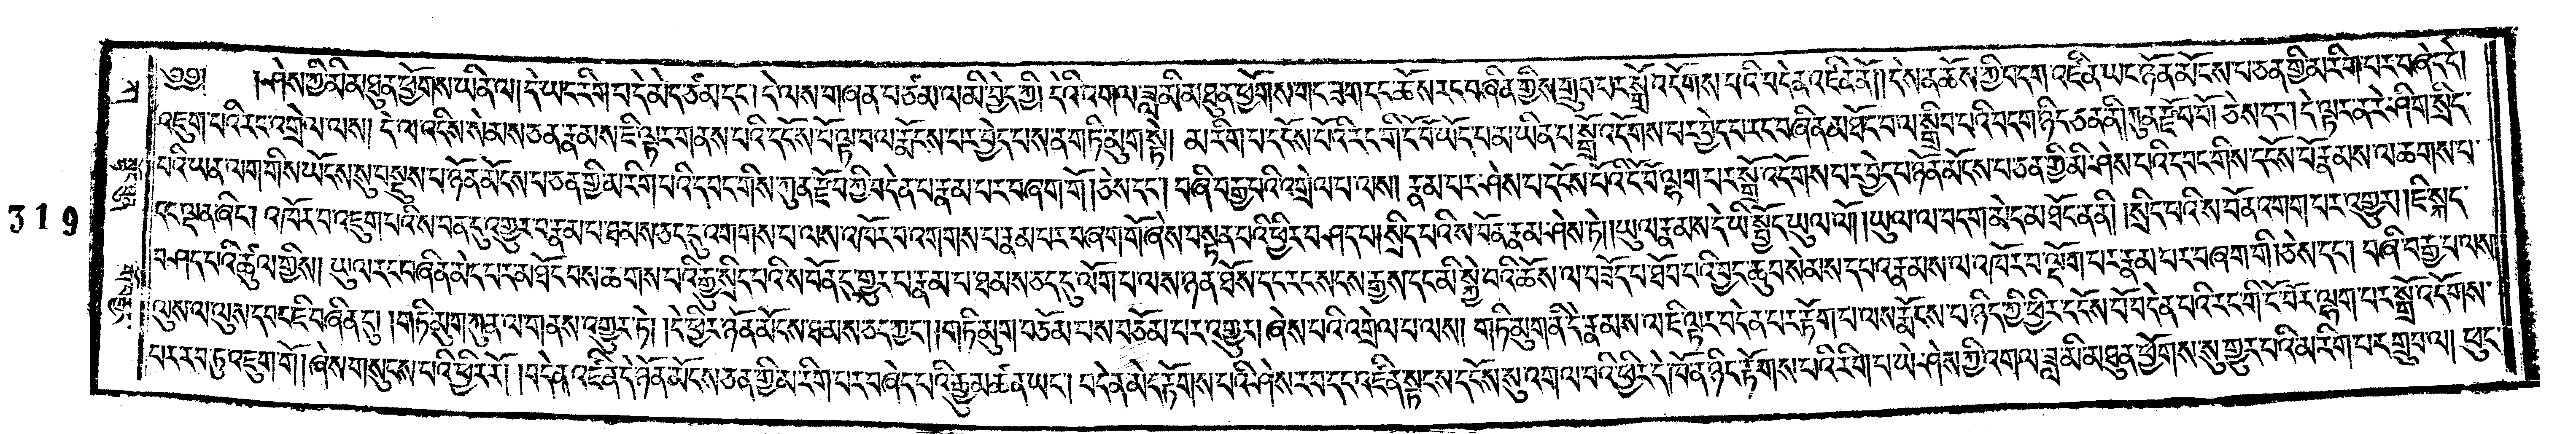༄༅། །ཤེས་ཀྱི་མི་མཐུན་ཕྱོགས་ཡིན་ལ། དེ་ཡང་རིག་པ་དེ་མེད་ཙམ་དང་། དེ་ལས་གཞན་པ་ཙམ་ལ་མི་བྱེད་ཀྱི། དེའི་འགལ་ཟླ་མི་མཐུན་ཕྱོགས་གང་ཟག་དང་ཆོས་རང་བཞིན་གྱིས་གྲུབ་པར་སྒྲོ་འདོགས་པའི་བདེན་འཛིན་ནོ། །དེས་ན་ཆོས་ཀྱི་བདག་འཛིན་ཡང་ཉོན་མོངས་པ་ཅན་གྱི་མ་རིག་པར་བཞེད་དེ།
འཇུག་པའི་རང་འགྲེལ་ལས། དེ་ལ་འདིས་སེམས་ཅན་རྣམས་ཇི་ལྟར་གནས་པའི་དངོས་པོ་ལྟ་བ་ལ་རྨོངས་པར་བྱེད་པས་ན་གཏི་མུག་སྟེ། མ་རིག་པ་དངོས་པོའི་རང་གི་ངོ་བོ་ཡོད་པ་མ་ཡིན་པ་སྒྲོ་འདོགས་པར་བྱེད་པ་རང་བཞིན་མཐོང་བ་ལ་སྒྲིབ་པའི་བདག་ཉིད་ཅན་ནི། ཀུན་རྫོབ་བོ། ཅེས་དང་། དེ་ལྟར་ན་རེ་ཤིག་སྲིད་
པའི་ཡན་ལག་གིས་ཡོངས་སུ་བསྡུས་པ་ཉོན་མོངས་པ་ཅན་གྱི་མ་རིག་པའི་དབང་གིས་ཀུན་རྫོབ་ཀྱི་བདེན་པ་རྣམ་པར་བཞག་གོ །ཅེས་དང་། བཞི་བརྒྱ་པའི་འགྲེལ་པ་ལས། རྣམ་པར་ཤེས་པ་དངོས་པོའི་ངོ་བོ་ལྷག་པར་སྒྲོ་འདོགས་བར་བྱེད་པ་ཉོན་མོངས་པ་ཅན་གྱི་མི་ཤེས་པའི་དབང་གིས་དངོས་པོ་རྣམས་ལ་ཆགས་པ་
དང་ལྡན་ཞིང་། འཁོར་བ་འཇུག་པའི་ས་བན་དུ་འགྱུར་བ་རྣམ་པ་ཐམས་ཅད་དུ་འགགས་པ་ལས་འཁོར་བ་འགགས་པ་རྣམ་པར་བཞག་གོ་ཞེས་བསྟན་པའི་ཕྱིར་བཤད་པ། སྲིད་པའི་ས་བོན་རྣམ་ཤེས་ཏེ། །ཡུལ་རྣམས་དེ་ཡི་སྤྱོད་ཡུལ་ལོ། །ཡུལ་ལ་བདག་མེད་མཐོང་ན་ནི། །སྲིད་པའི་ས་བོན་འགག་པར་འགྱུར། །ཇི་སྐད་
བཤད་པའི་ཚུལ་གྱིས། ཡུལ་རང་བཞིན་མེད་པར་མཐོང་བས་ཆགས་པའི་རྒྱུ་སྲིད་པའི་ས་བོན་དུ་གྱུར་པ་རྣམ་པ་ཐམས་ཅད་དུ་ལོག་པ་ལས་ཉན་ཐོས་དང་རང་སངས་རྒྱས་དང་མི་སྐྱེ་བའི་ཆོས་ལ་བཟོད་པ་ཐོབ་པའི་བྱང་ཆུབ་སེམས་དཔའ་རྣམས་ལ་འཁོར་བ་ལྡོག་པར་རྣམ་པར་བཞག་གི །ཅེས་དང་། བཞི་བརྒྱ་པ་ལས་
ལུས་ལ་ལུས་དབང་ཇི་བཞིན་དུ། །གཏི་མུག་ཀུན་ལ་གནས་འགྱུར་ཏེ། །དེ་ཕྱིར་ཉོན་མོངས་ཐམས་ཅད་ཀྱང་། །གཏི་མུག་བཅོམ་པས་བཅོམ་པར་འགྱུར། ཞེས་པའི་འགྲེལ་པ་ལས། གཏི་མུག་ནི་དེ་རྣམས་ལ་ཇི་ལྟར་བདེན་པར་རྟོག་པ་ལས་རྨོངས་པ་ཉིད་ཀྱི་ཕྱིར་དངོས་པོ་བདེན་པའི་རང་གི་ངོ་བོར་ལྷག་པར་སྒྲོ་འདོགས་
པར་རབ་ཏུ་འཇུག་གོ །ཞེས་གསུངས་པའི་ཕྱིར་རོ། །བདེན་འཛིན་དེ་ཉོན་མོངས་ཅན་གྱི་མ་རིག་པར་བཞེད་པའི་རྒྱུ་མཚན་ཡང་། བདེན་མེད་རྟོགས་པའི་ཤེས་རབ་དང་འཛིན་སྟངས་དངོས་སུ་འགལ་བའི་ཕྱིར་དེ་ཁོ་ན་ཉིད་རྟོགས་པའི་རིག་པ་ཡེ་ཤེས་ཀྱི་འགལ་ཟླ་མི་མཐུན་ཕྱོགས་སུ་གྱུར་པའི་མ་རིག་པར་གྲུབ་ལ། ཕུང་